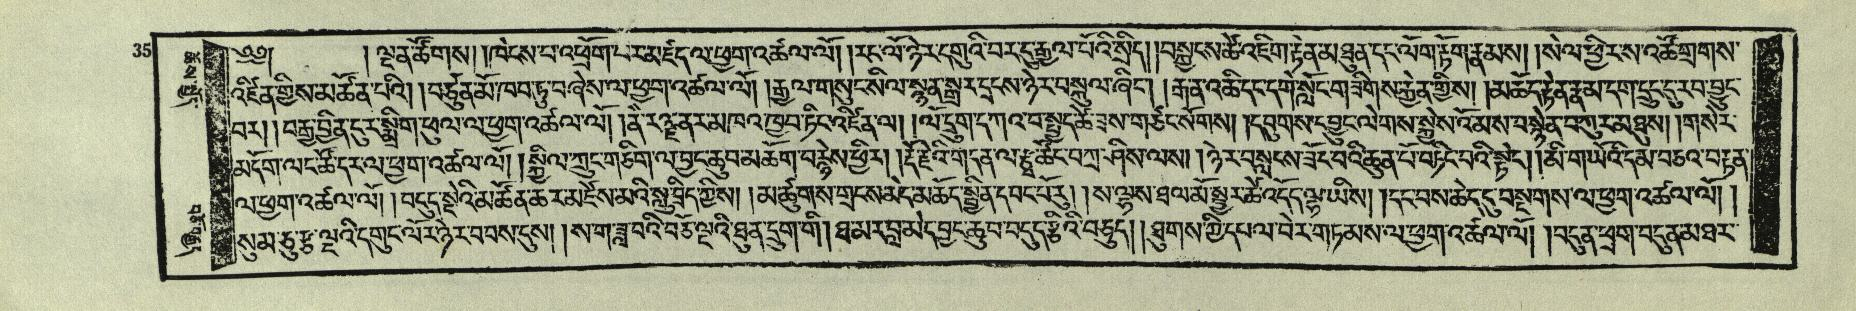༄༅། །ལྡན་ཚོགས། །ཁེངས་པ་འཕྲོག་པར་མཛད་ལ་ཕྱག་འཚལ་ལོ། །རང་ལོ་ཉེར་དགུའི་བར་དུ་རྒྱལ་པོའི་སྲིད། །བསྐྱངས་ཚེ་འཇིག་རྟེན་མཐུན་དང་ལོག་རྟོག་རྣམས། །སེལ་ཕྱིར་ས་འཚོ་གྲགས་
འཛིན་གྱིས་མཚོན་པའི། །བཙུན་མོ་ཁབ་ཏུ་བཞེས་ལ་ཕྱག་འཚལ་ལོ། །རྒྱལ་གསུང་སིལ་སྙན་སྒྲར་དྲངས་ཉེར་བསྐུལ་ཞིང་། །རྒ་ན་འཆི་དང་དགེ་སློང་གཟིགས་རྐྱེན་གྱིས། །མཆོད་རྟེན་རྣམ་དག་དྲུང་དུ་རབ་བྱུང་
བར། །བརྒྱ་བྱིན་ངུར་སྨྲིག་ཕུལ་ལ་ཕྱག་འཚལ་ལོ། །ནི་རྙྫ་ནར་མཁའ་ཁྱབ་ཏིང་འཛིན་ལ། །ལོ་དྲུག་དཀའ་བ་སྤྱད་ཚེ་ཟས་གཙང་སོགས། །དབུགས་དབྱུང་ལེགས་སྐྱེས་འོ་མས་བསྙེན་བཀུར་མཐུས། །གསེར་
མདོག་ལང་ཚོ་དར་ལ་ཕྱག་འཚལ་ལོ། །སྐྱིལ་ཀྲུང་གཅིག་ལ་བྱང་ཆུབ་མཆོག་བརྙེས་ཕྱིར། །རྡོ་རྗེའི་གདན་ལ་རྩྭ་ཚོང་བཀྲ་ཤིས་ལས། །ཉེར་བསླངས་ཟོང་བའི་ཆུན་པོ་བཏིང་པའི་སྟེང་། །མི་གཡོའི་དམ་བཅའ་བརྟན་
ལ་ཕྱག་འཚལ་ལོ། །བདུད་སྡེའི་མཚོན་ཆར་མཛེས་མའི་སླུ་བྲིད་ཀྱིས། །མ་ཚུགས་གྲངས་མེད་མཆོད་སྦྱིན་དབང་པོ་རུ། །ས་ལྷས་ཐལ་མོ་སྦྱར་ཚེ་འདོད་ལྷ་ཡིས། །དང་བས་ཆེད་དུ་བསྔགས་ལ་ཕྱག་འཚལ་ལོ། །
སུམ་ཅུ་རྩ་ལྔའི་དགུང་ལོར་ཉེར་བབས་དུས། །ས་ག་ཟླ་བའི་བཅོ་ལྔའི་ཐུན་དྲུག་གི། ཐ་མར་བླ་མེད་བྱང་ཆུབ་བདུད་རྩིའི་བཅུད། །ཐུགས་ཀྱི་དཔལ་བེར་གཏམས་ལ་ཕྱག་འཚལ་ལོ། །བདུན་ཕྲག་བདུན་མཐར་